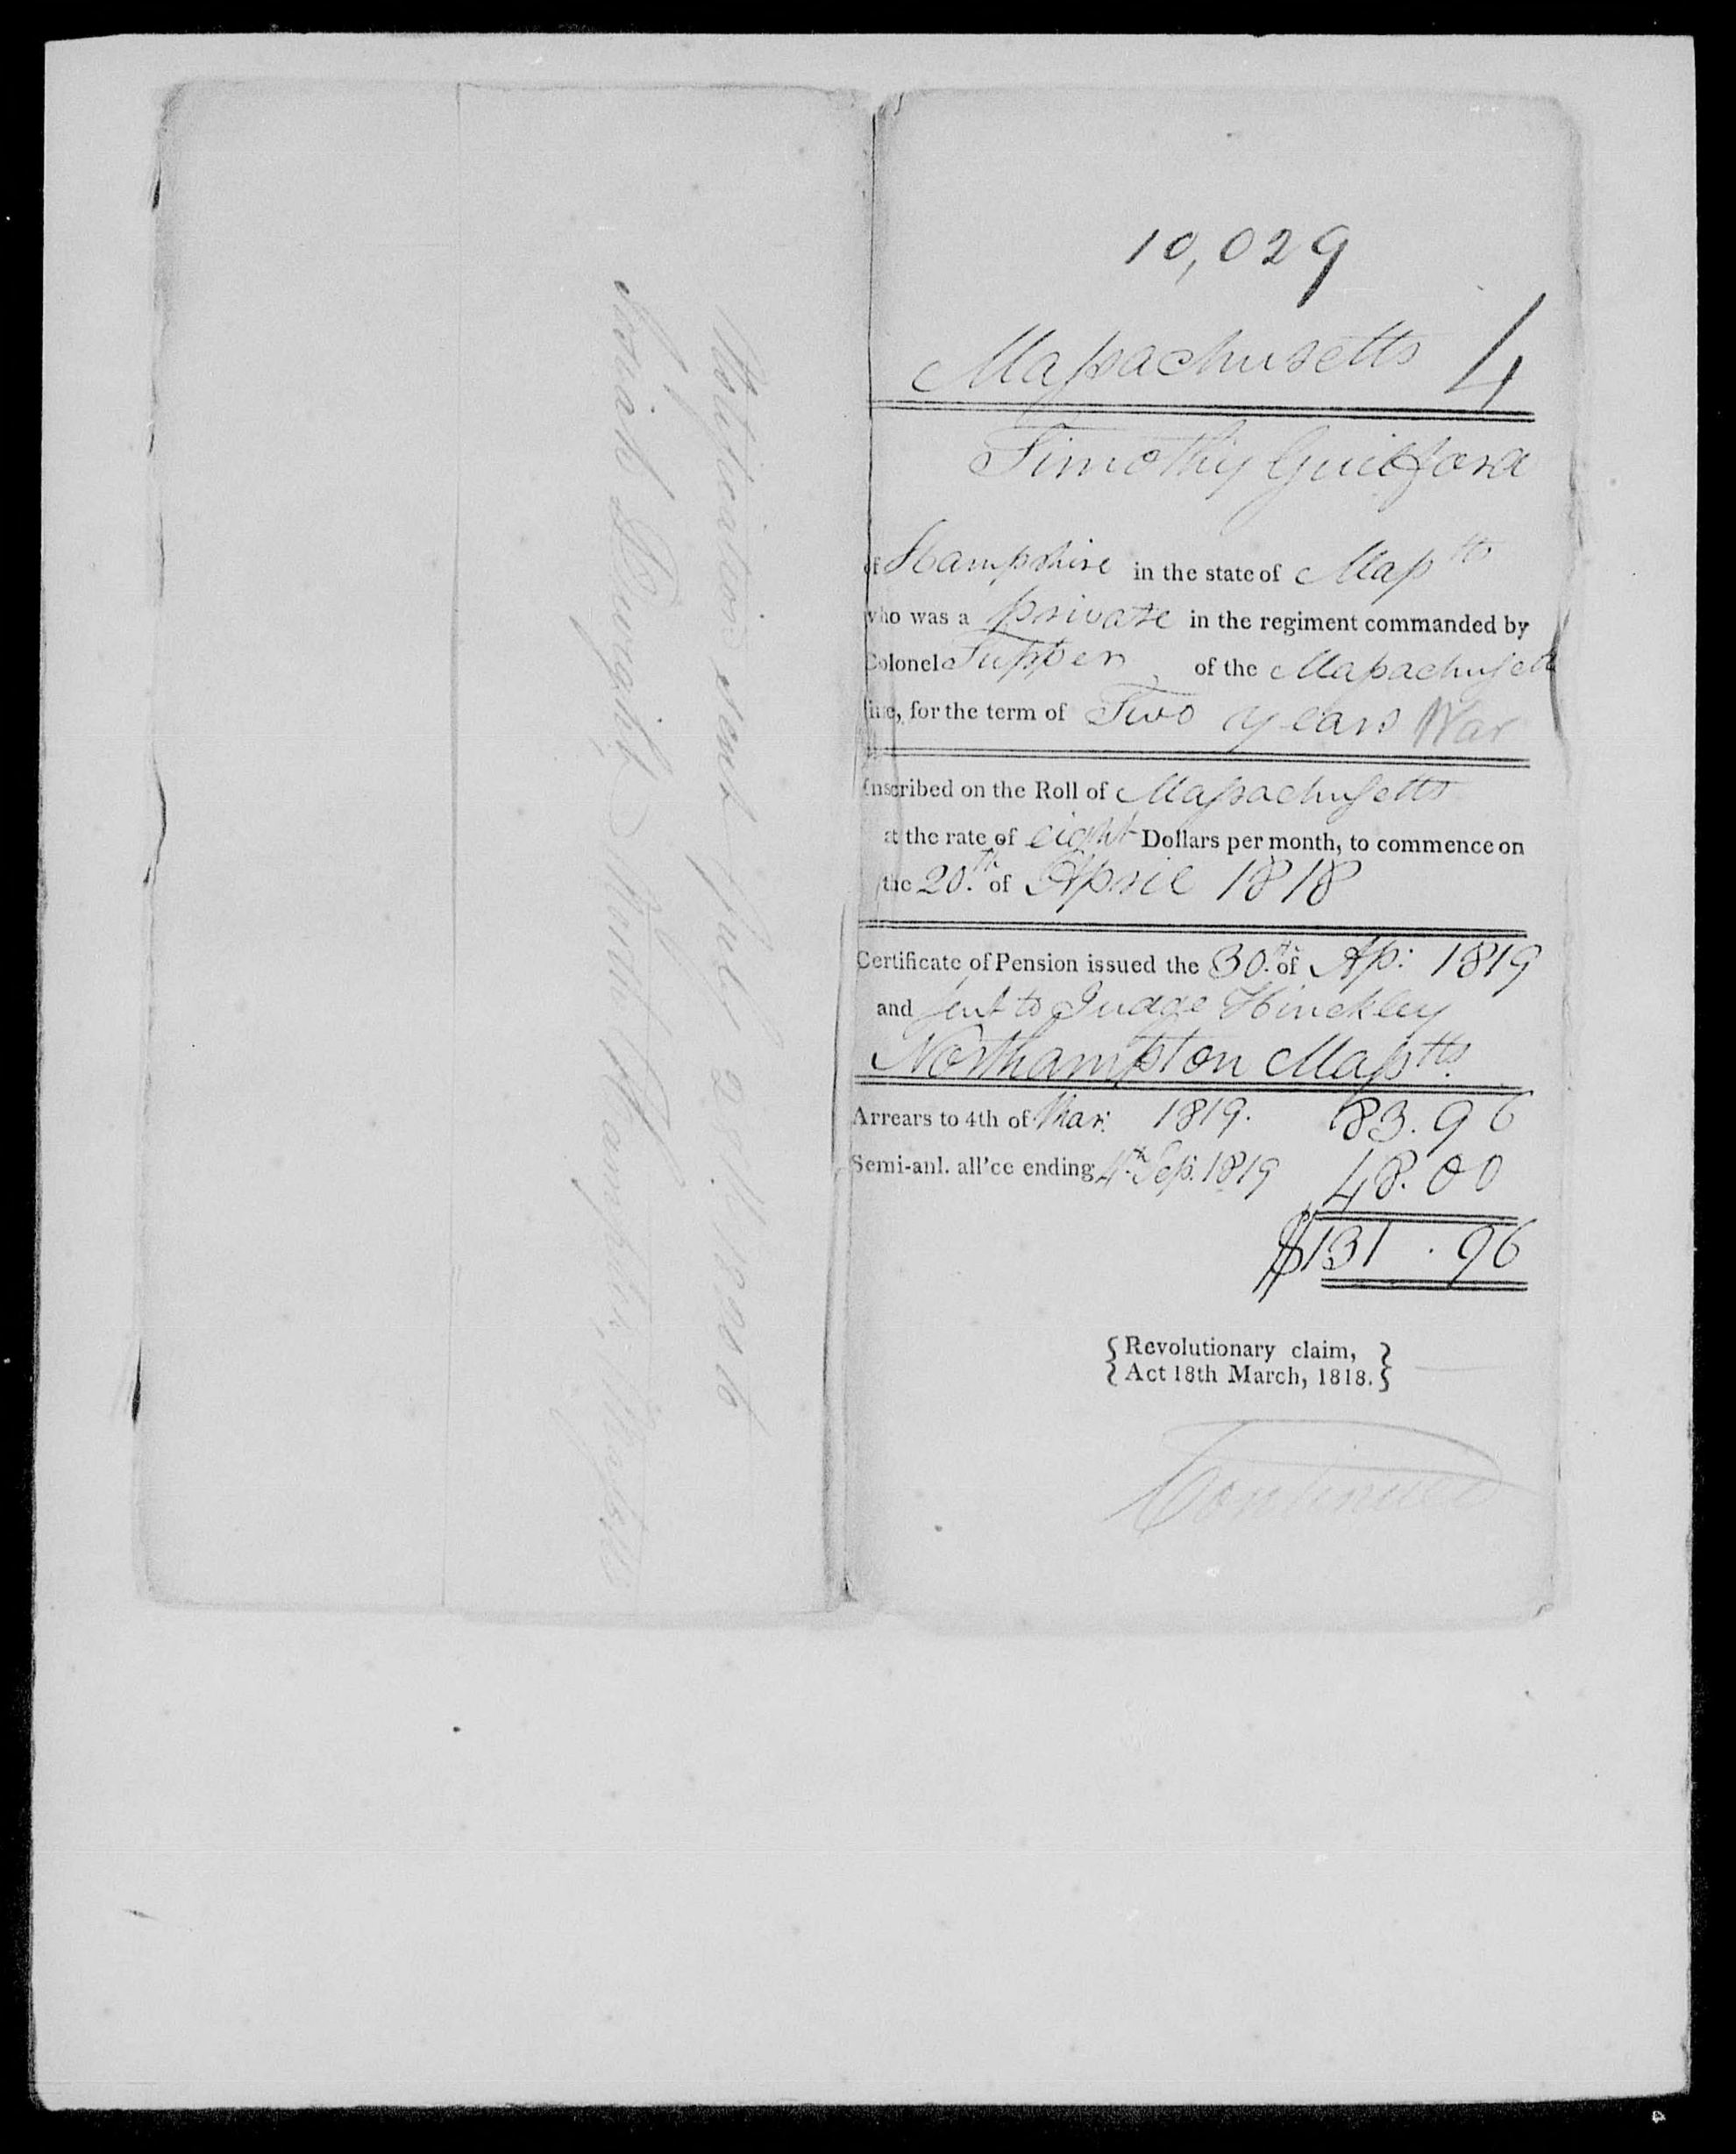[left side]
Notification sent July 28th, 1820 to Josiah Dwight, North Hampton, Mass[?]
[right side]
10,029
Massachusetts 4// Timothy Guildford of Hampshire in the state of Mass tts who was a private in the regiment commanded by Colonel Tupper of the Massachusetts [?]ine, for the term of Two years War// Inscribed on the Roll of Massachusetts at the rate of eight Dollars per month, to commence on the 20th of April 1818// Certificate of Pension issued the 30th of Ap: 1819 and Sent to Judge Hinkley  Northampton Massstts.//Arrears to 4th of Mar. 1819 83.96
Semi-annl. all's ending 4 Sep. 1819  48.00//$131.96// {Revolutionary claim, Act 18th March, 1818}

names: Josiah Dwight, Timothy Guilford, Tupper, Hinckley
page: 3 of 26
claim: widow's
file: W. 21,238, Timothy Guilford, Mass.